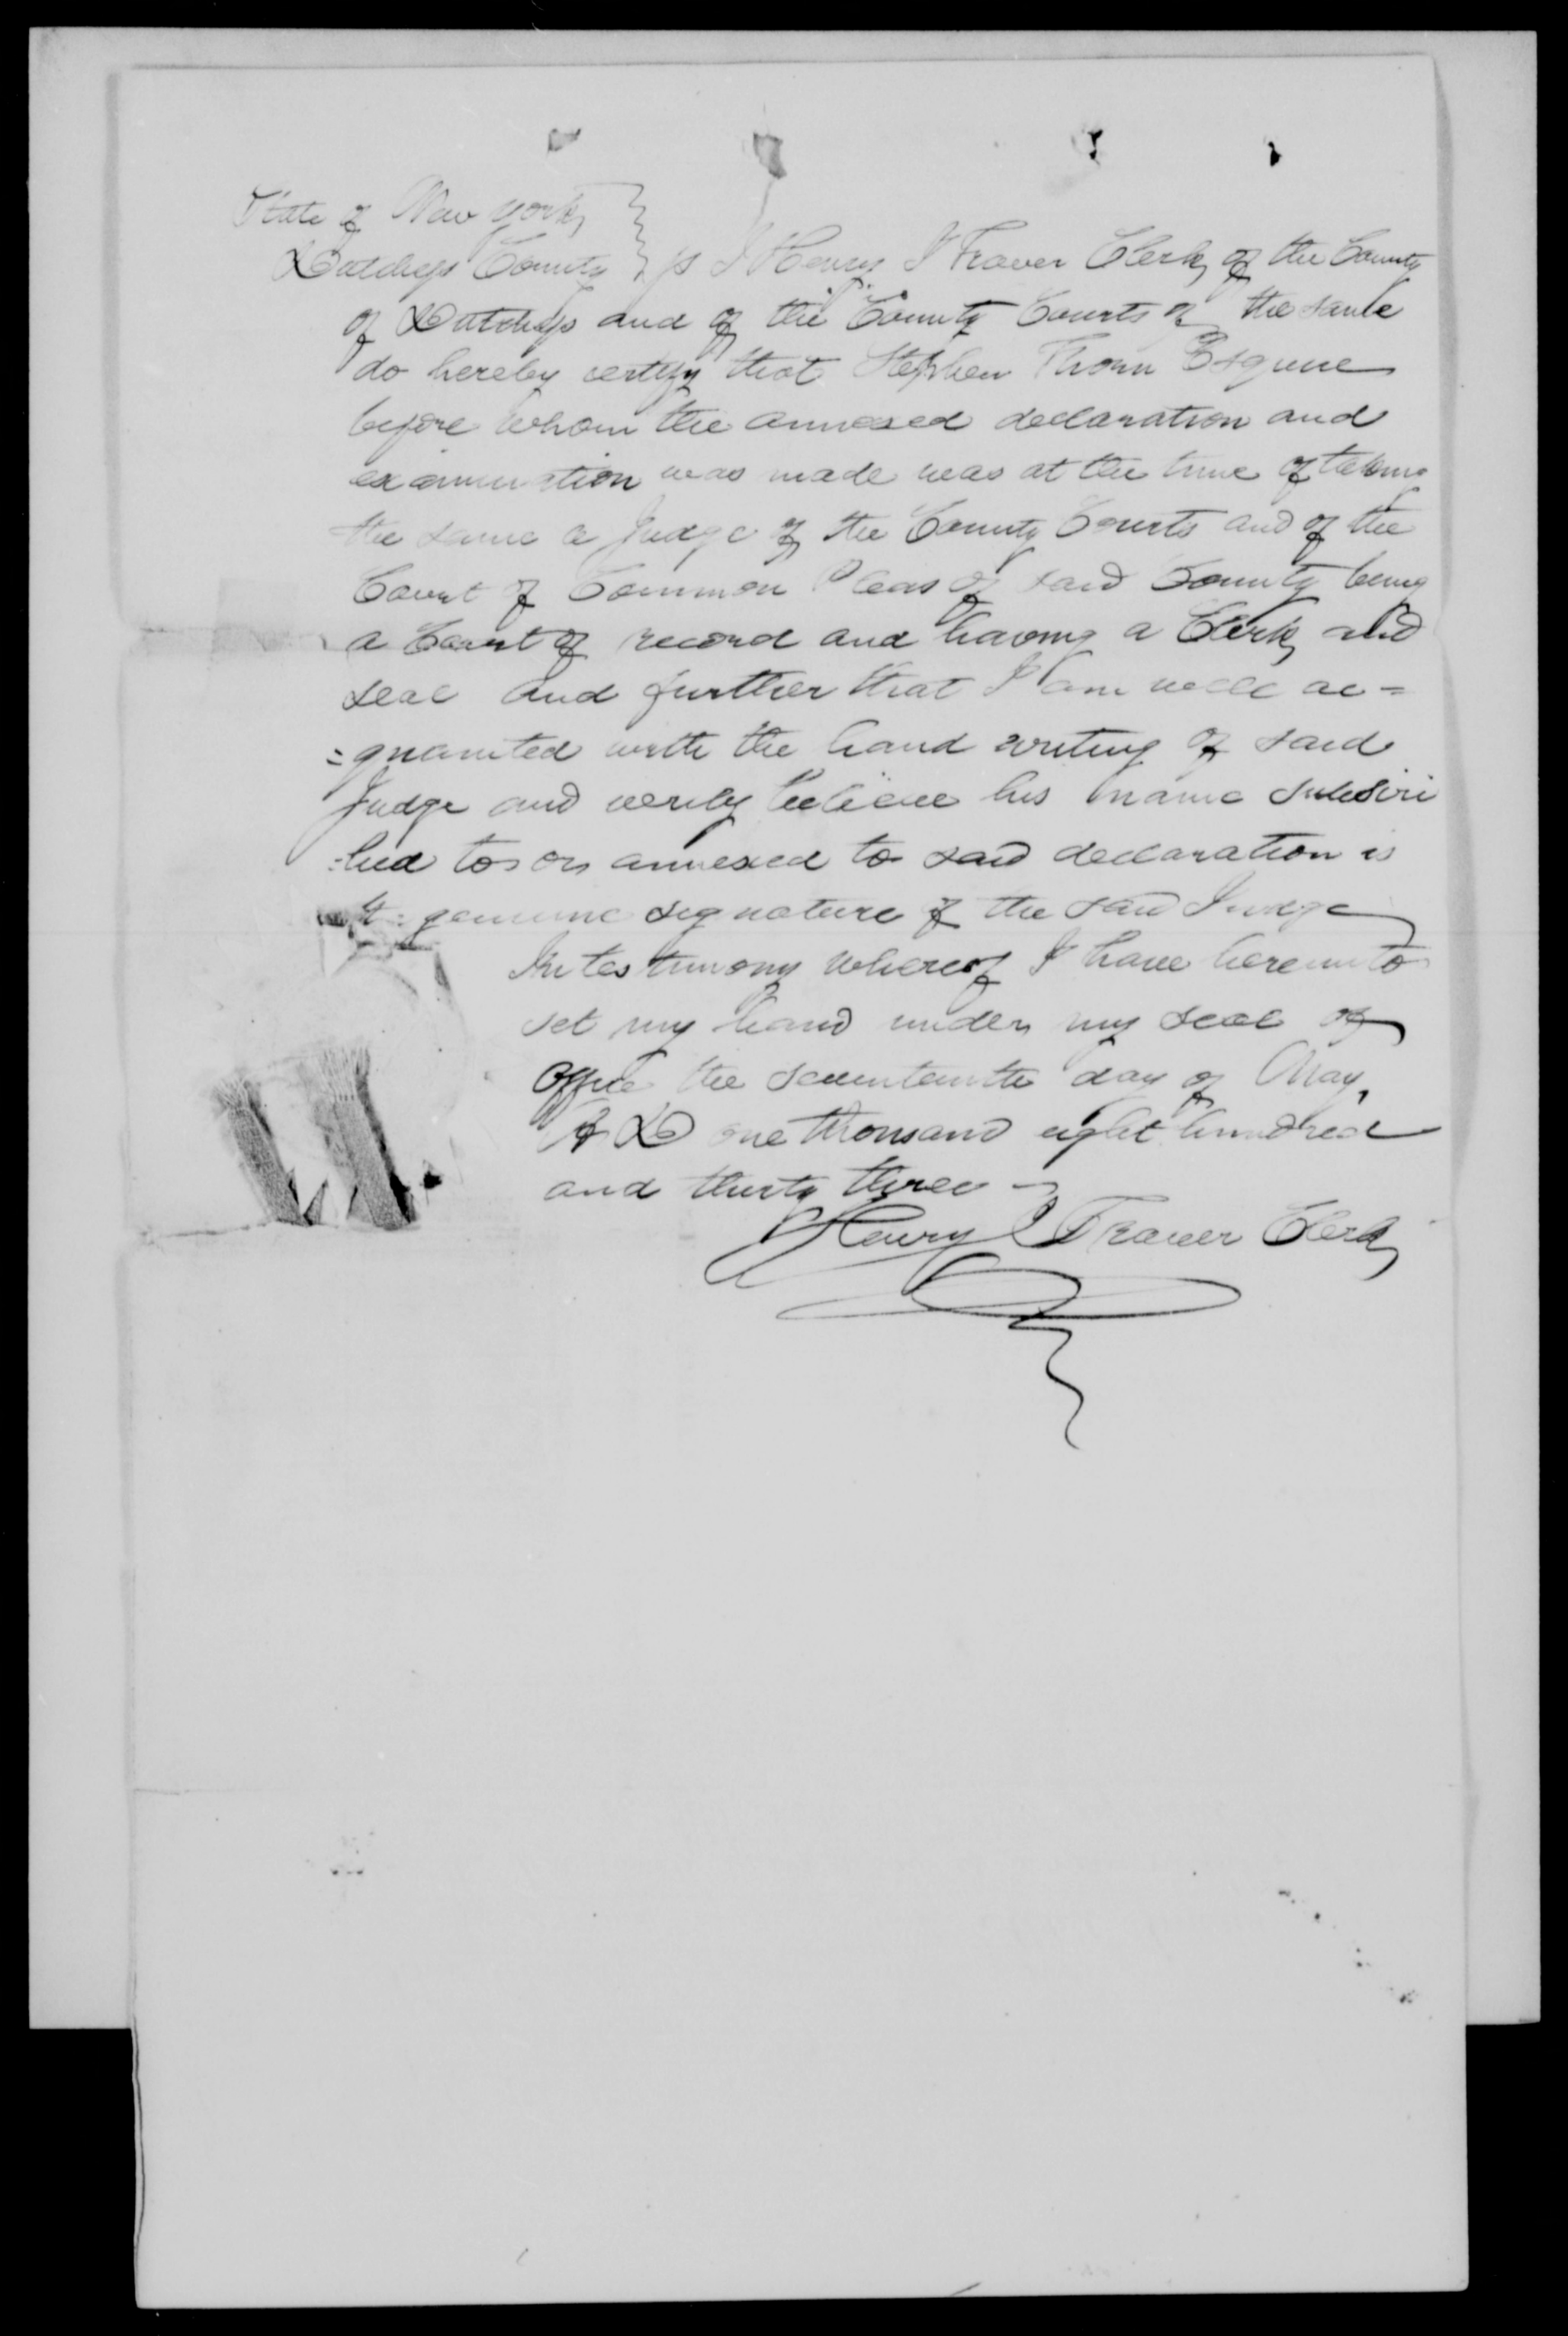State of New York,
Dutchess County}ss
I Henry I. Haver Clerk of the County of Dutchess and of the County Courts of the same do hereby certify that Stephen Thorn Esquire before whom the annexed declaration and examination was made was at the time of taking the same a Judge of the County Courts and of the Court of Common Pleas of said County being a Court of record and having a Clerk and seal and further that I am well acquainted with the hand writing of said Judge and verily believe his name subscribed to on annexed to said declaration as the genuine signature of the said Judge

In testimony whereof I have hereunto set my hand under my seal of Office the seventeenth day of May, AD one thousand eight hundred and thirty three--
Henry I. Traver  Clerk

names: Stephen Thorn; Henry I Traver; Henry I Traver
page: 14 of 29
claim: survivor's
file: S. 11415, for Aldert Smedes, New York